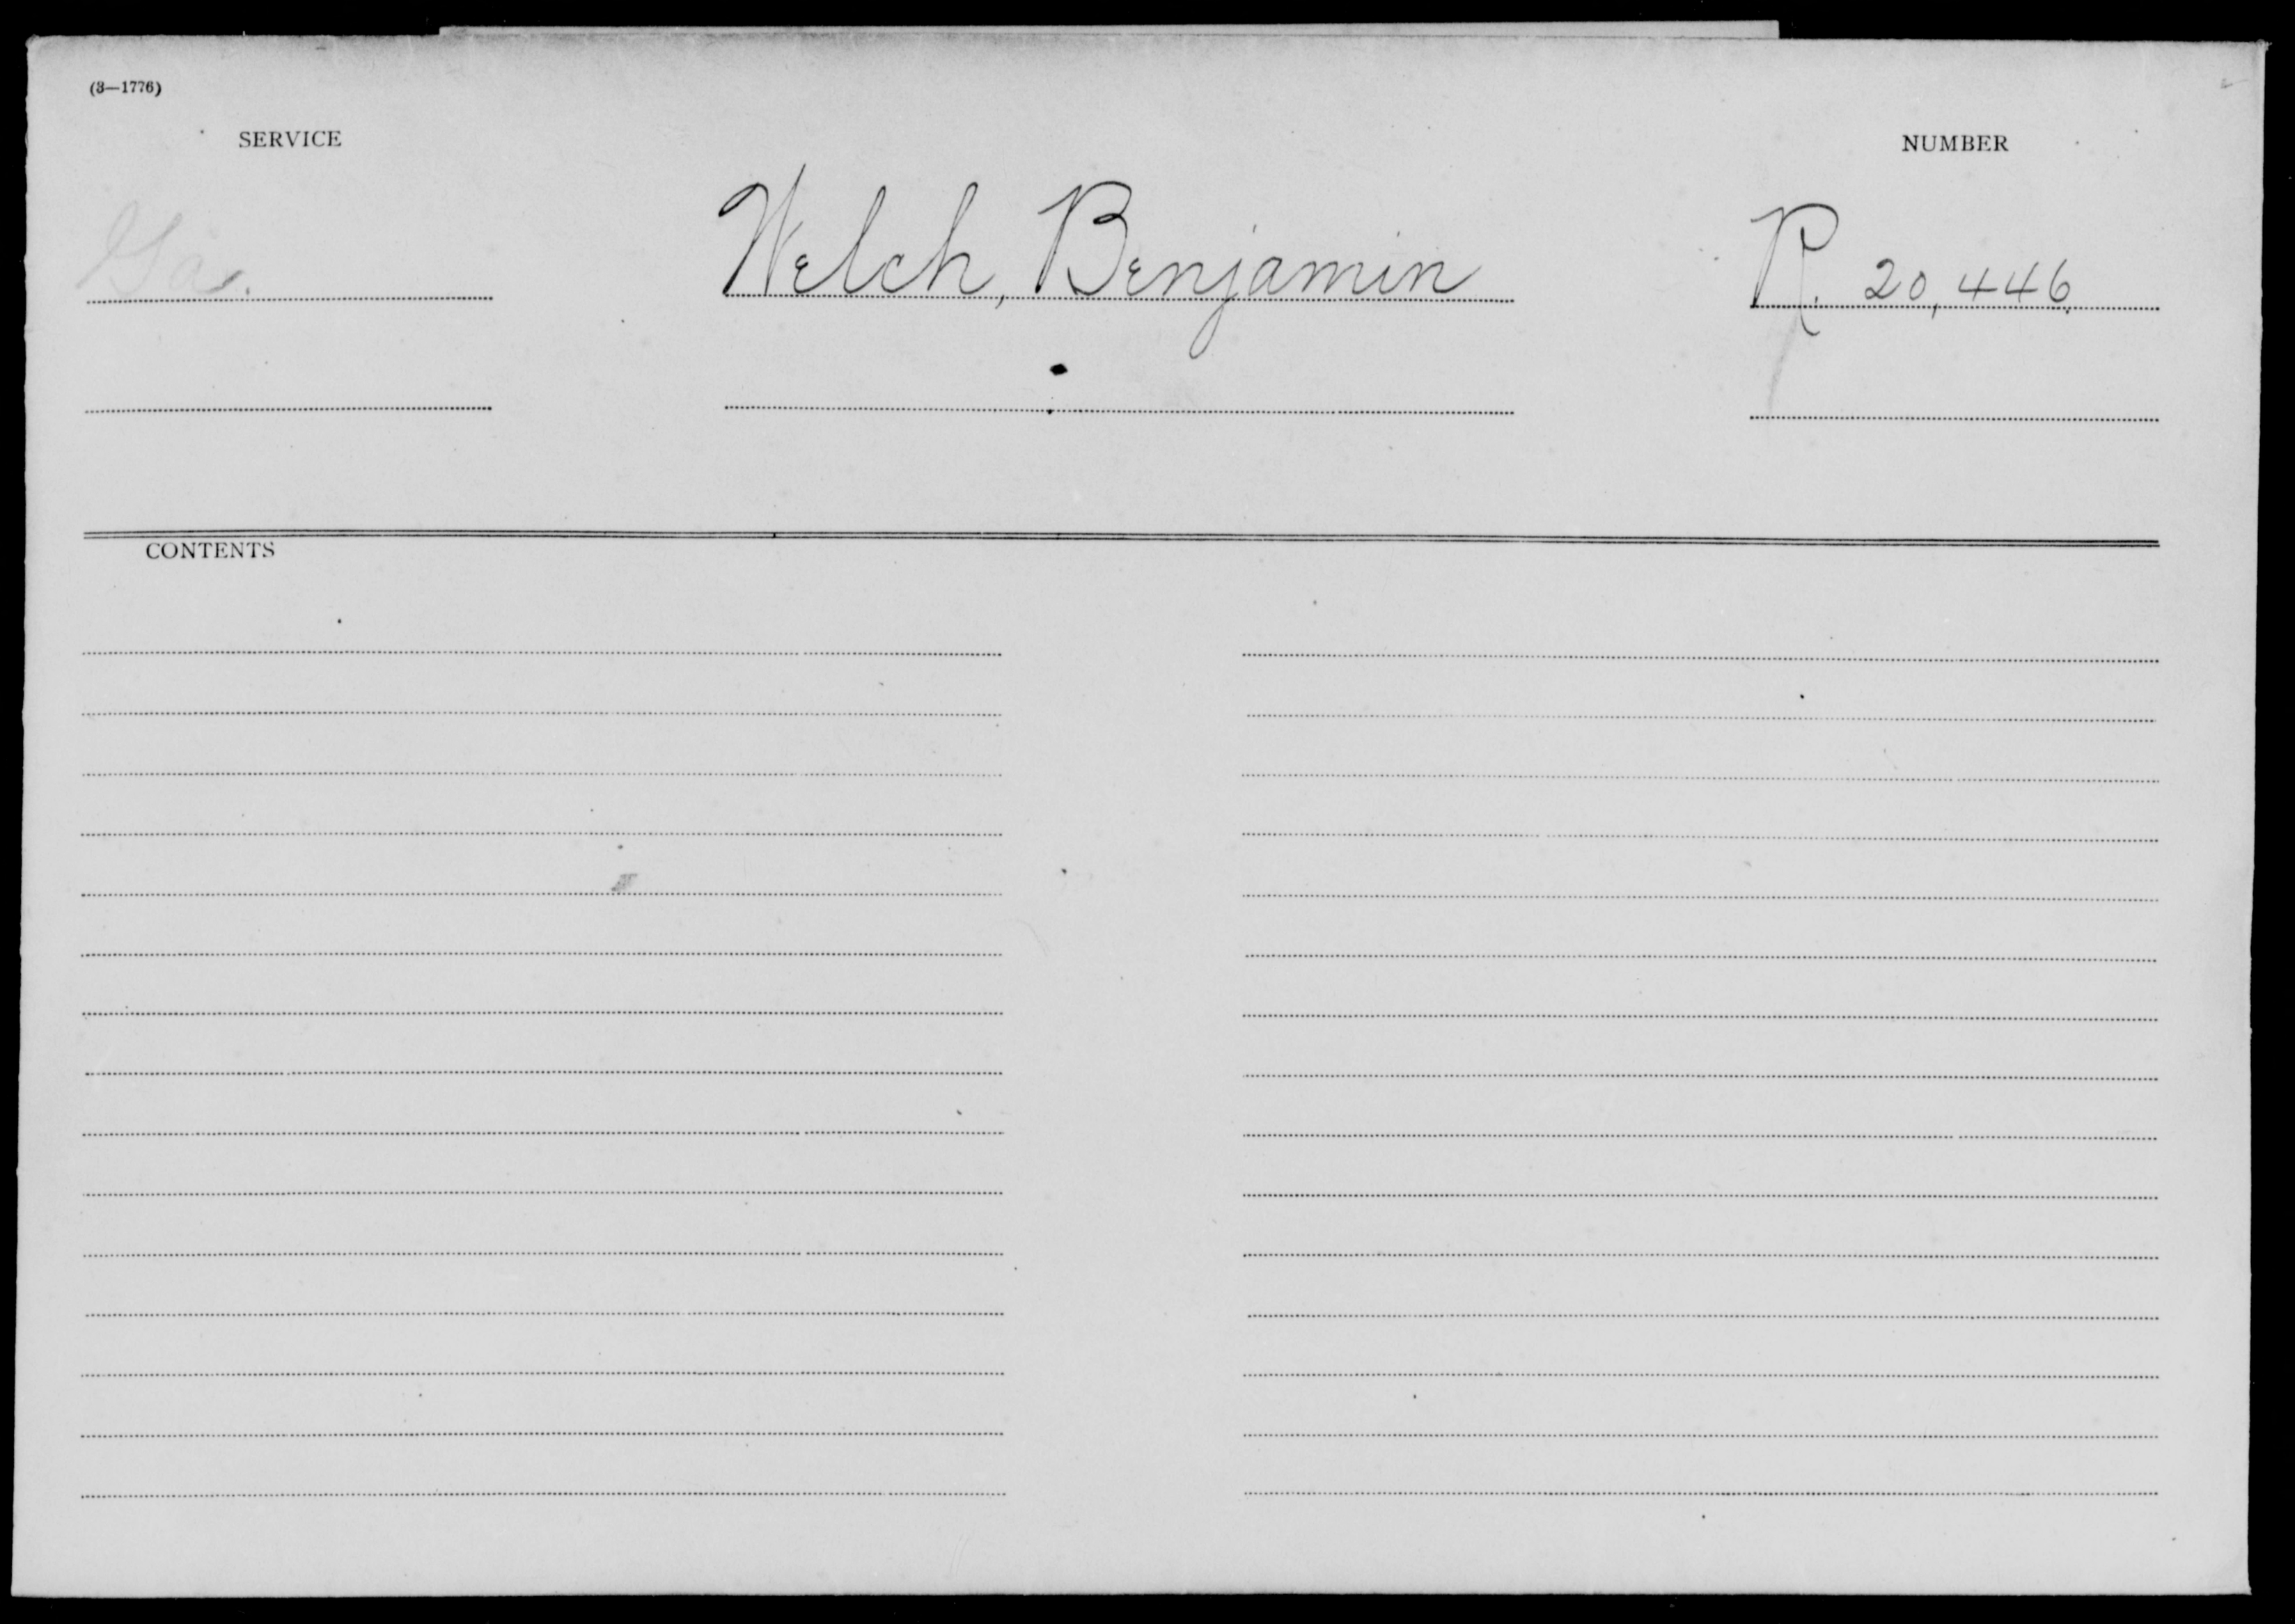Ga.  Welch, Benjamin  R 20,446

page: 1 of 23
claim: rejected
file: R. 20,446, Benjamin Welch, Ga.